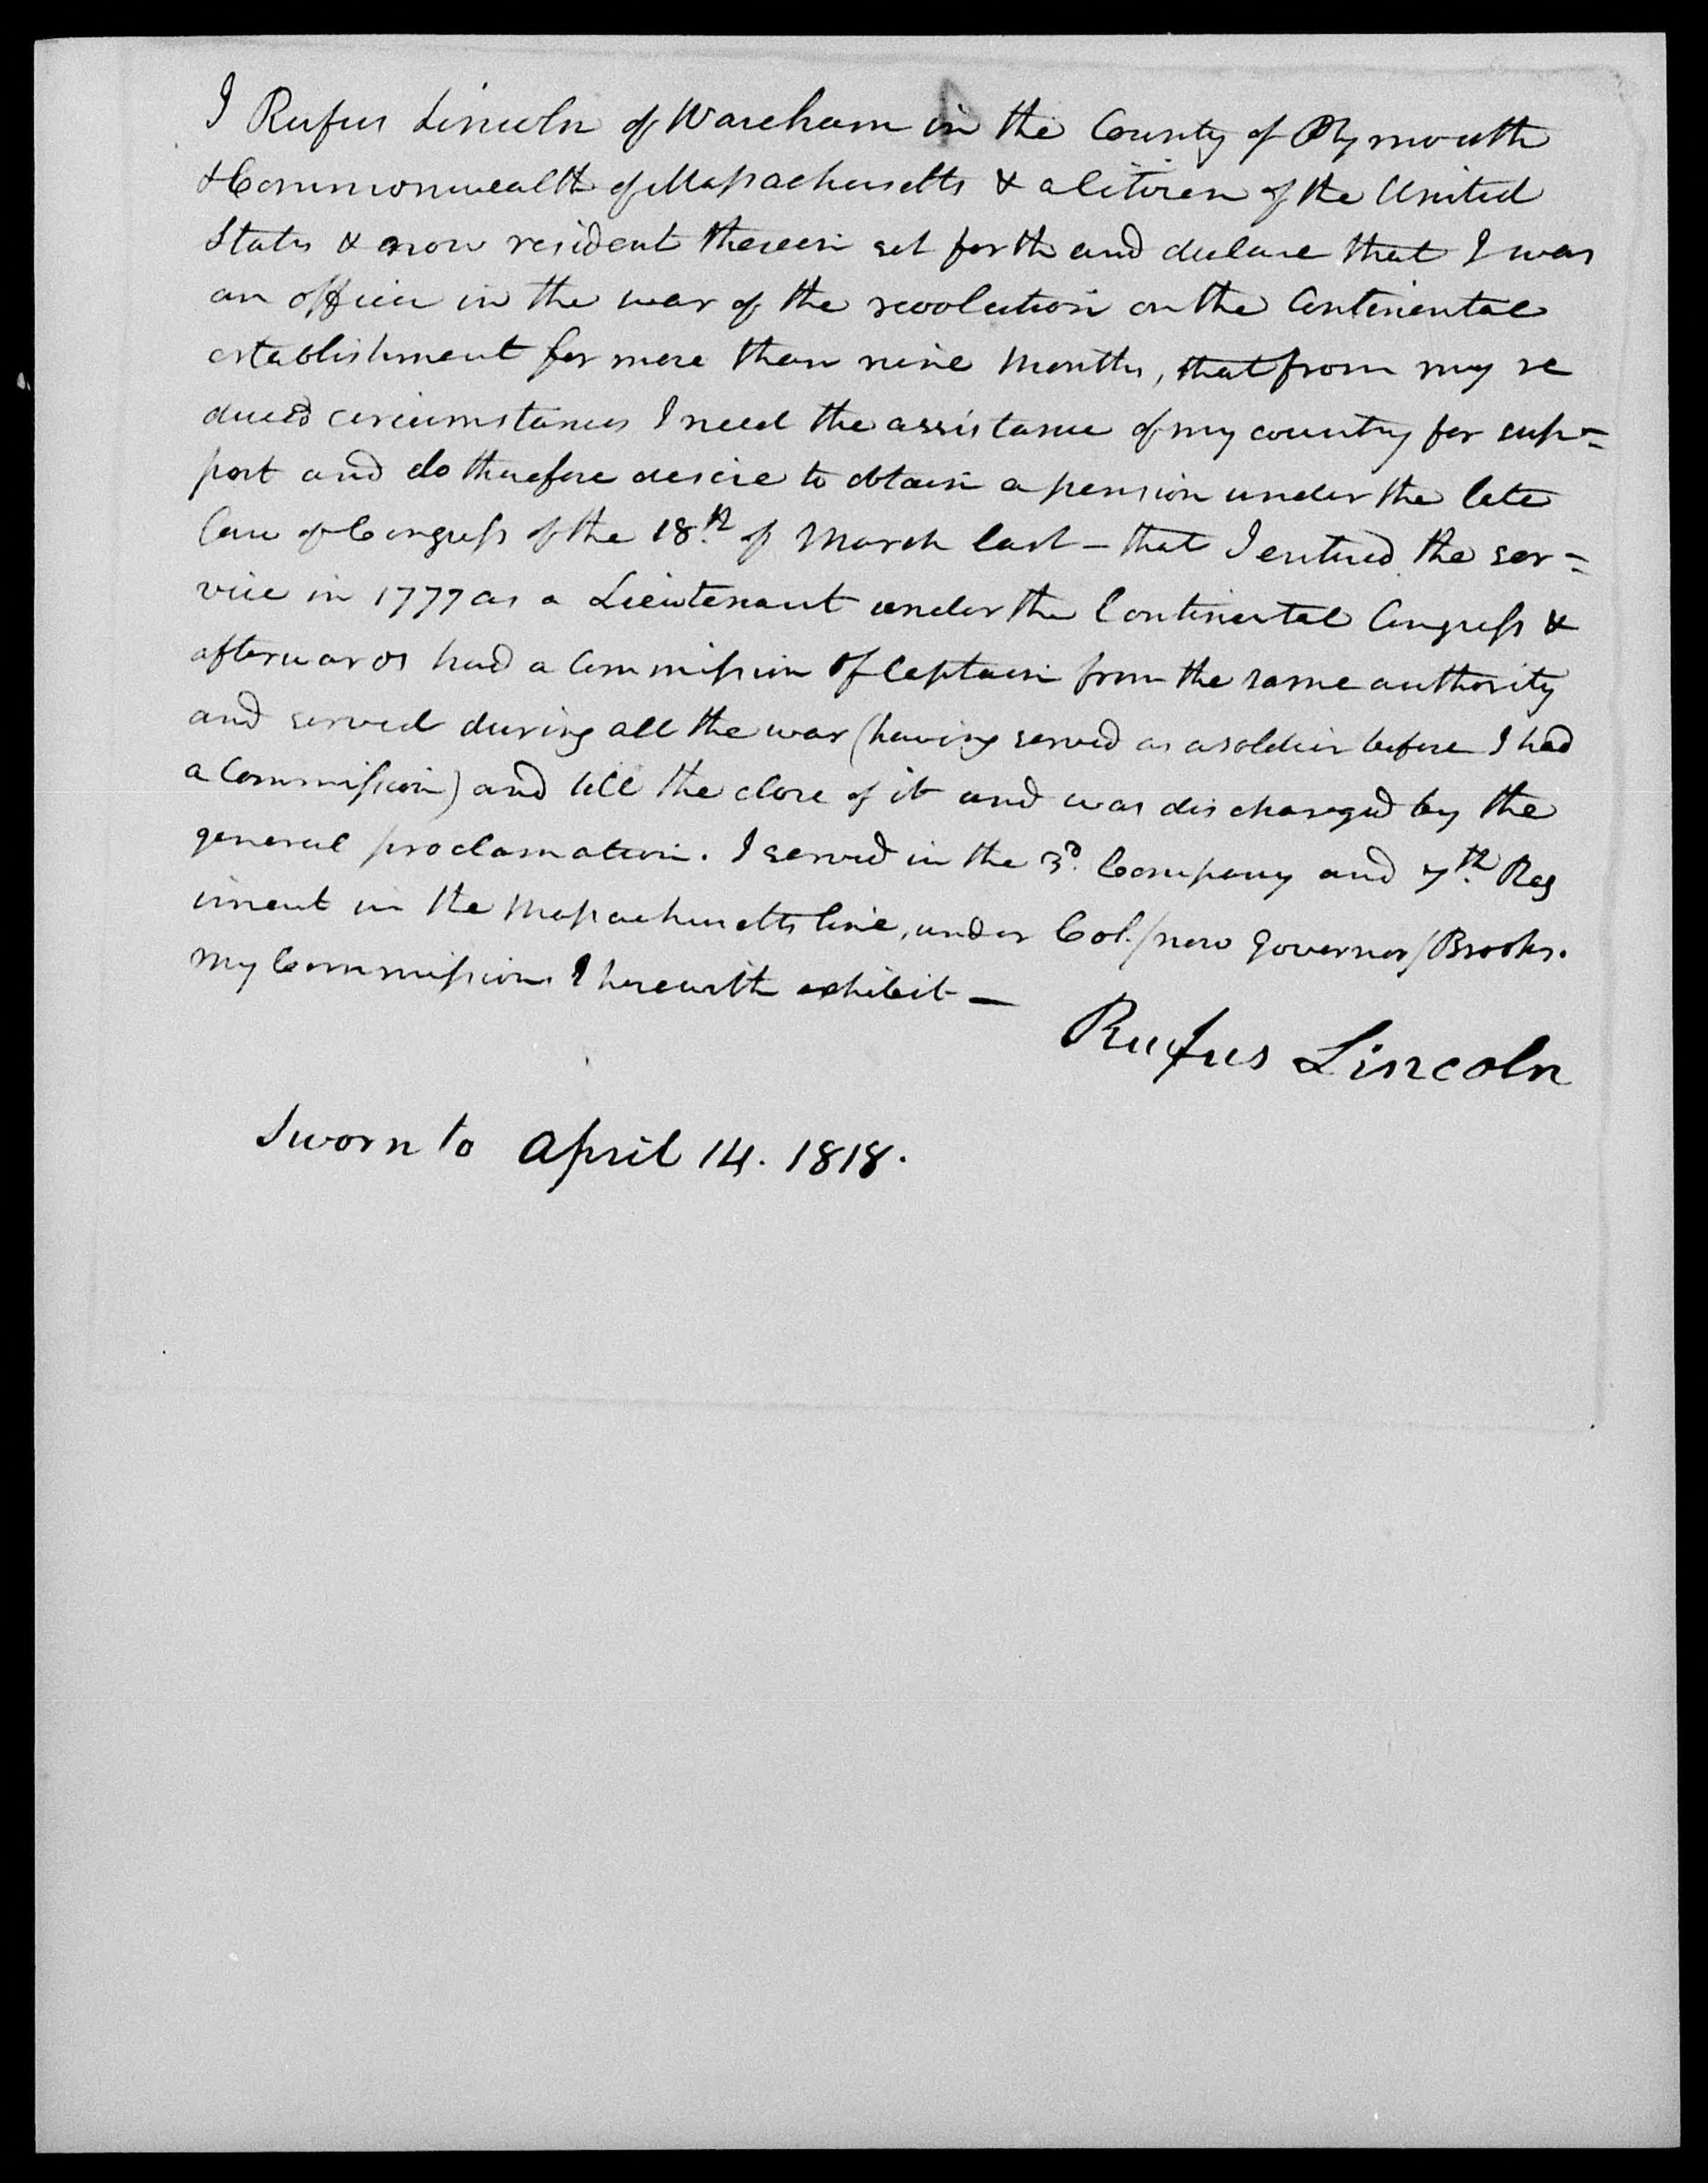I Rufus Lincoln of Wareham in the County of Plymouth & Commonwealth of Massachusetts & a citizen of the United States & now resident therein set forth and declare that I was an officer in the war of the revolution on the continental establishment for more than nine months, that from my reduced circumstances & need the assistance of my country for support and do therefore desire to obtain a pension under the late law of Congress of the 18th of March last -that I entered the 
service in 1777 as a Lieutenant under the continual Congress & afterwards had a commission of Captain from the same authority and served during all the war having served as a soldier before I had a
Commission and till the close of it and was discharged by the general proclamation. I served in the 3d Company and 7th Regiment in the Massachusetts line, under Col / now Governor/ Brooks
My Commission I herewith exhibit-
Rufus Lincoln
Sworn to April 14. 1818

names: [BLANK] Brooks; Rufus Lincoln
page: 5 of 82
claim: widow's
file: W. 13,634, for Rufus Lincoln, Massachusetts